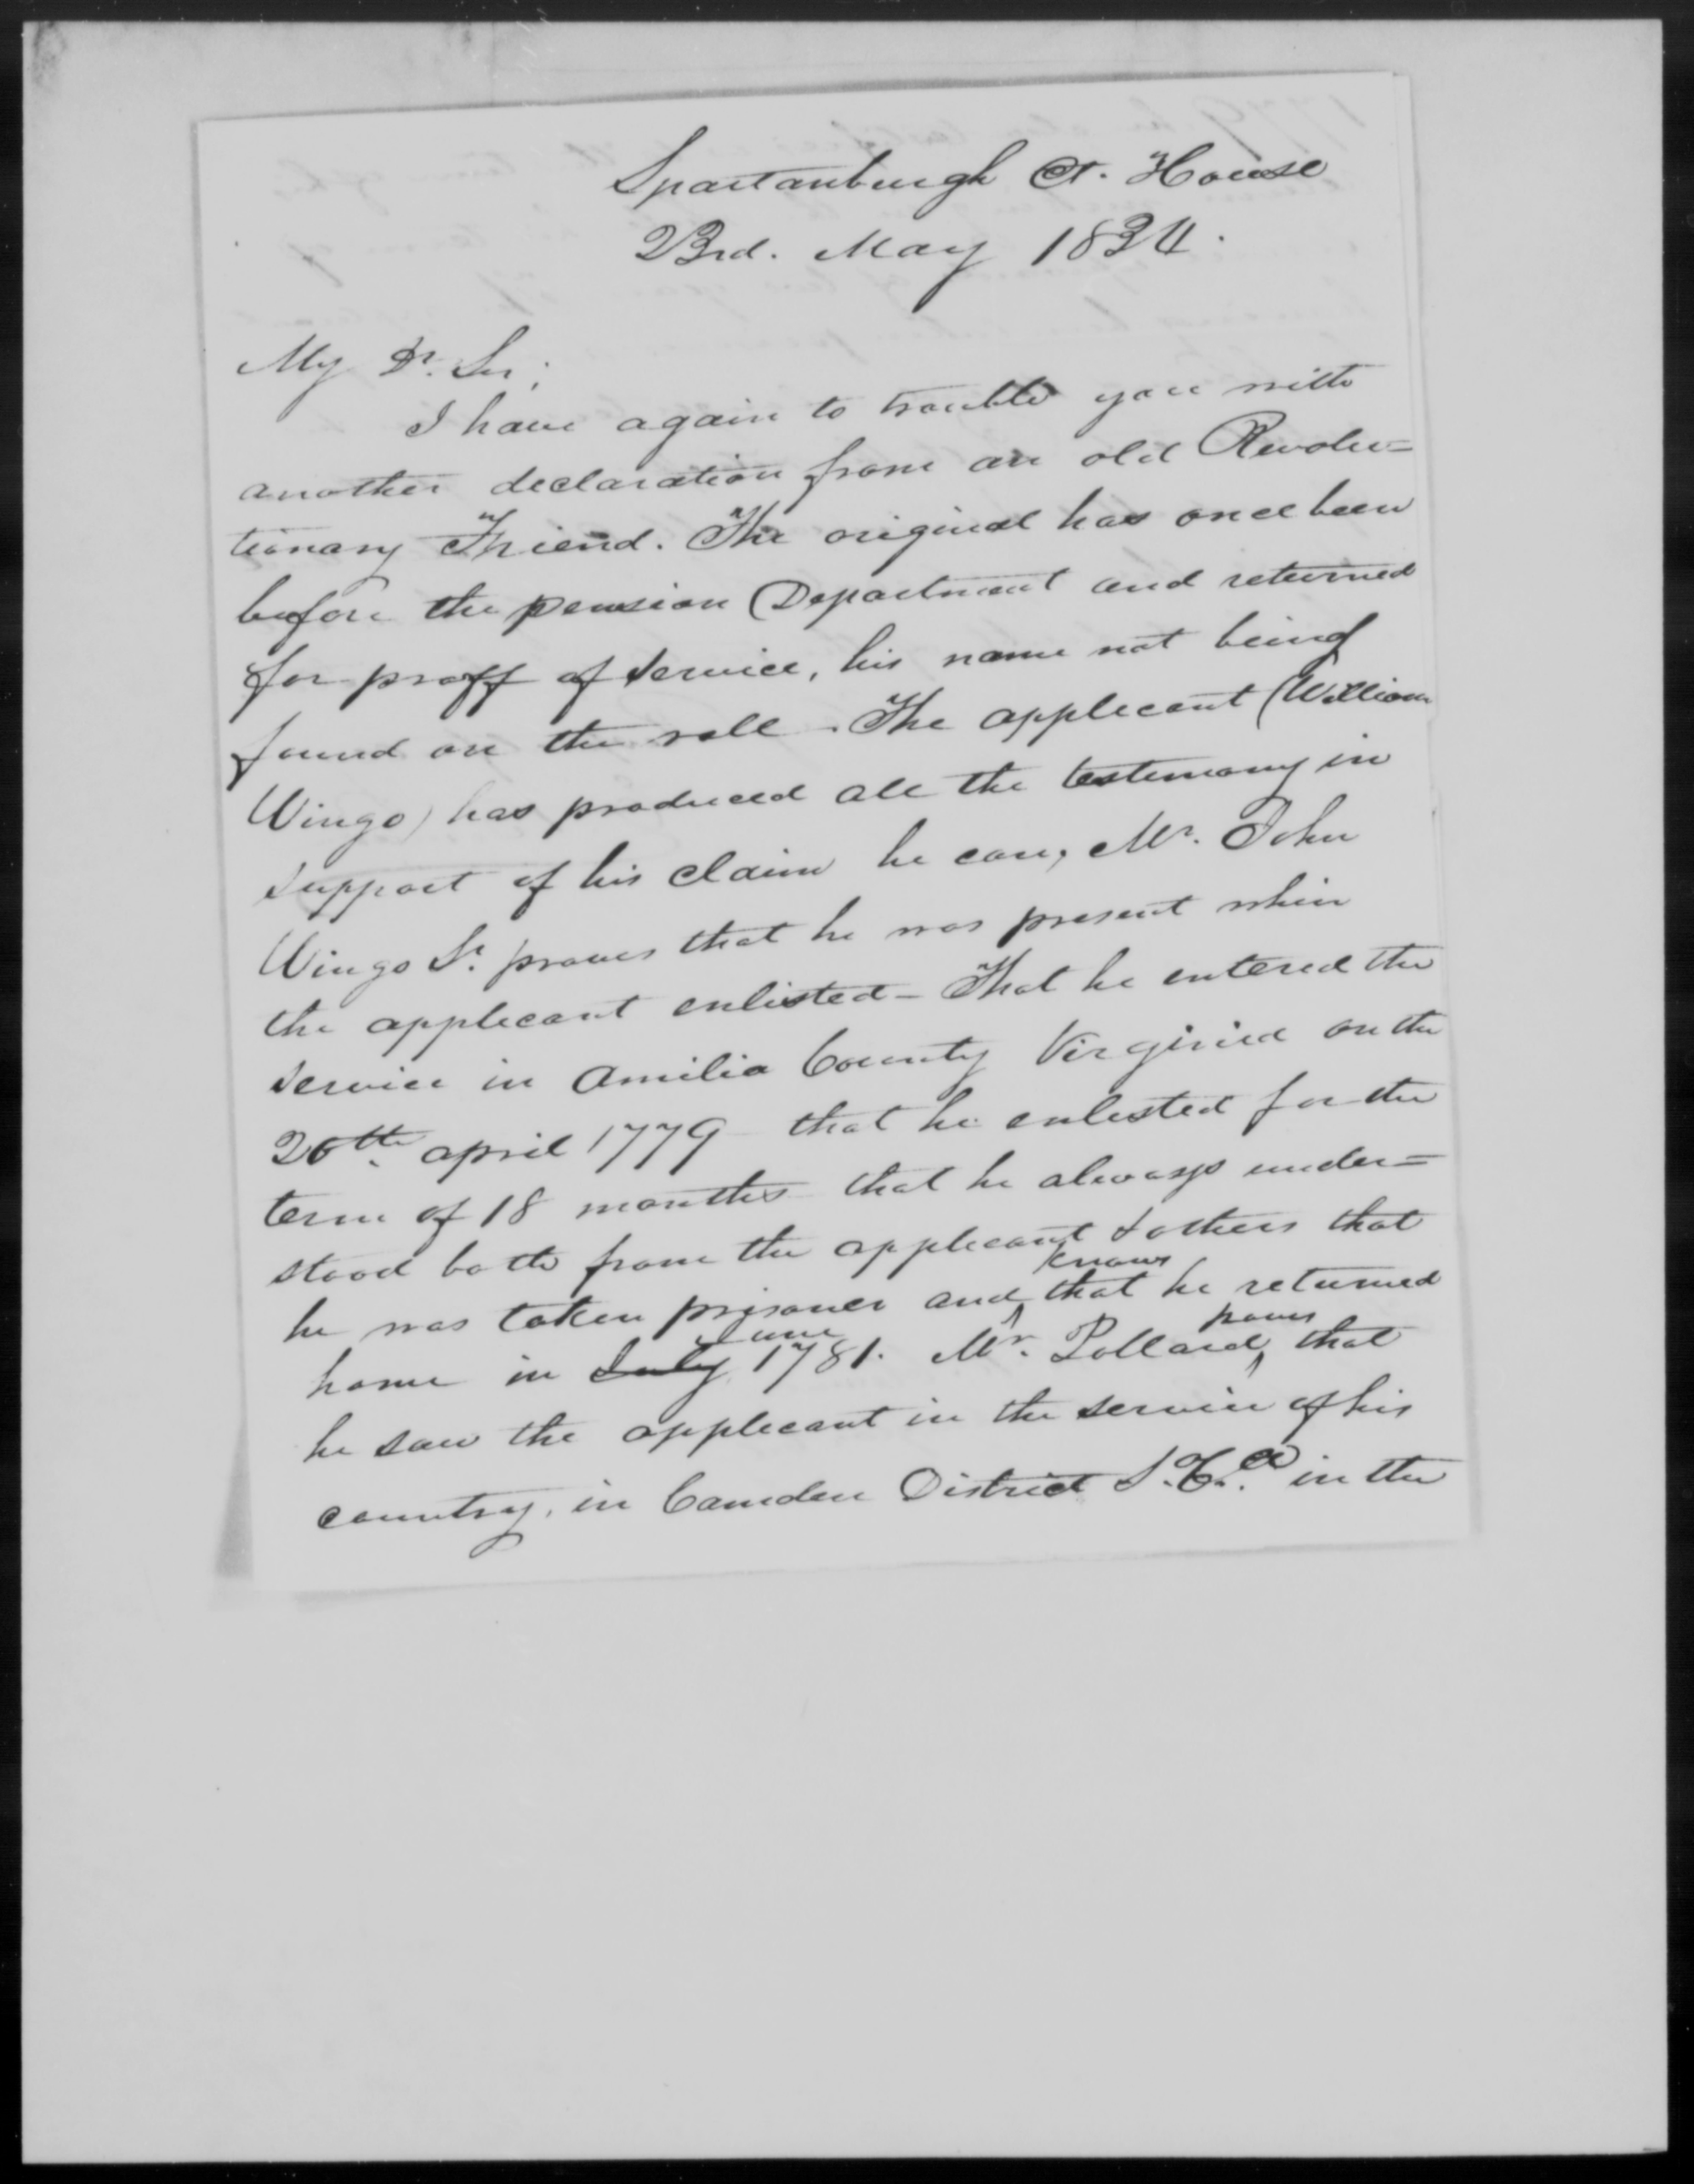Spartanburgh Ct. House 23rd. Mary 1834
My Dr. Sir:
I have again to trouble you with another declaration from an old Revolutionary Friend. The original has once been before the pension Department and returned for proff of service, his name not being found on the roll The applicant (William Wingo) has produced all the testimony in support of his claim he can, Mr. John Wingo Sr. proves that he was present when the the applicant enlisted_ That he entered the service in Amilia County Virginia on the 20th april 1779 that he enlisted for the term of 18 months that he always understood both from the applicant & others that he was taken prisoner and knows that he returned home in June 1781. Mr. Pollard proves that he saw the applicant in the service of his country in Camden District So.Ca. in the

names: John Wingo, William Wingo, Pollard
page: 10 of 19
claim: survivor's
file: S. 7,896, William Wingo, Va.